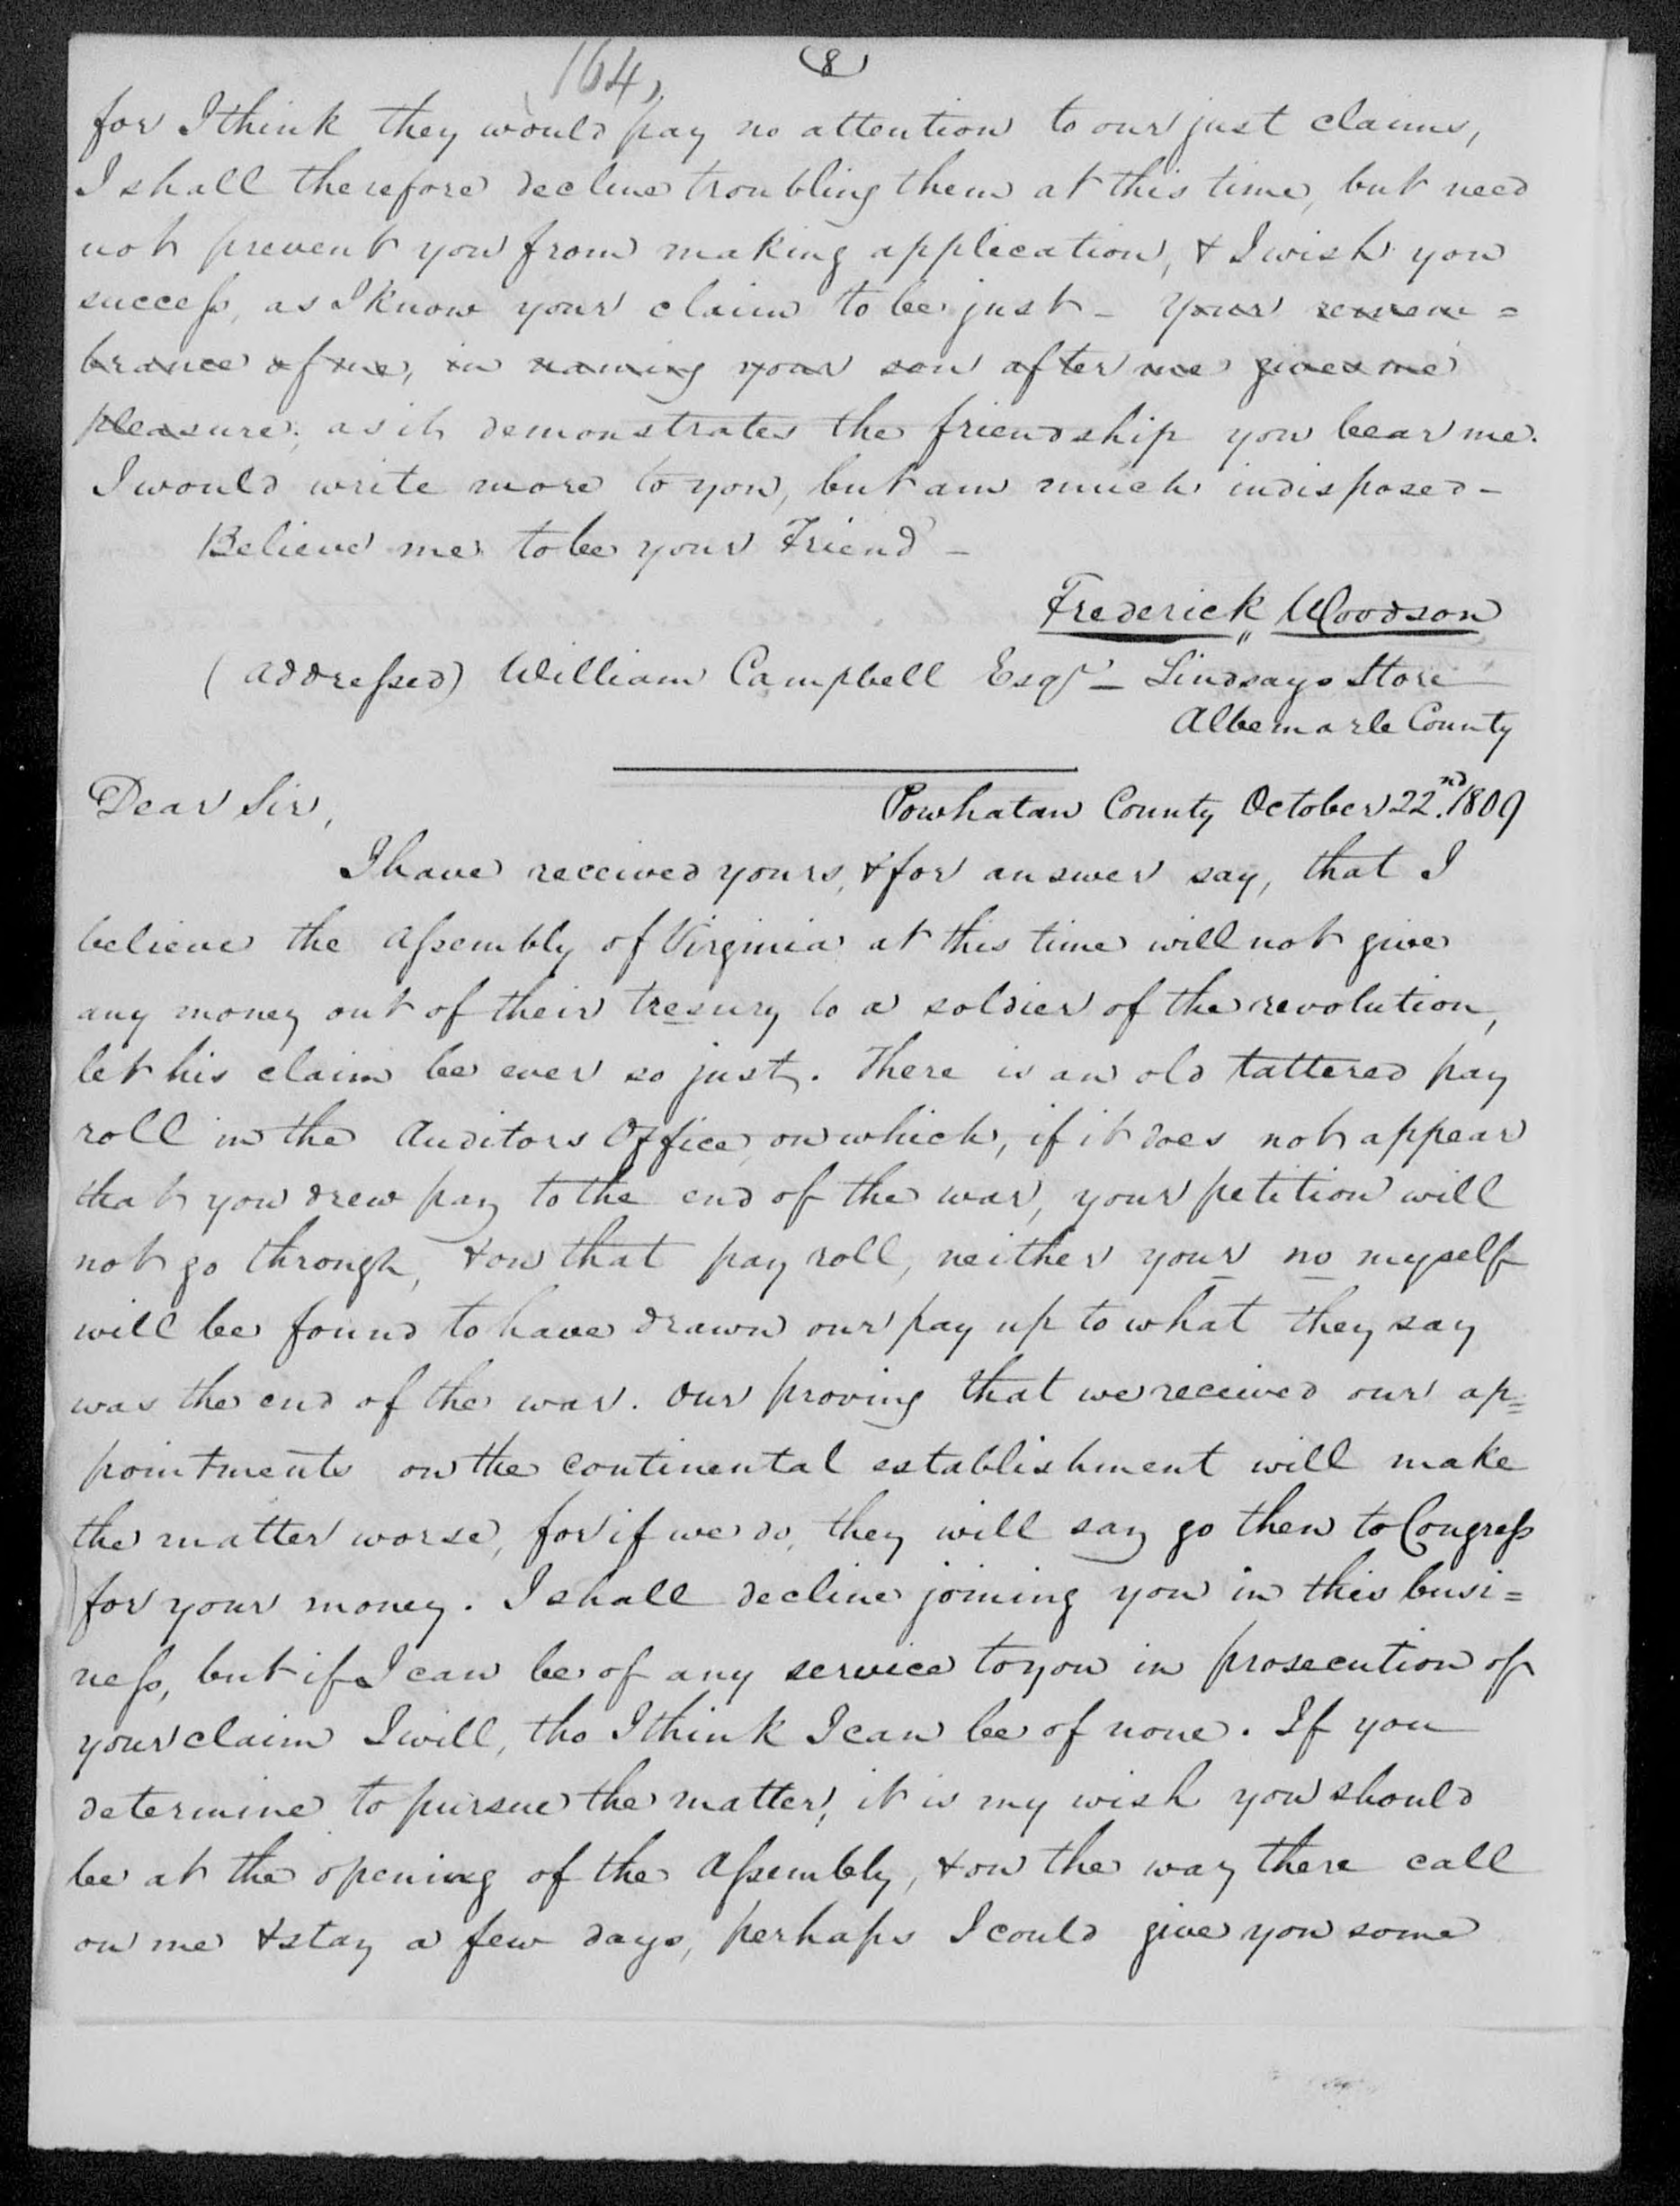(164)       (8)
for I think they would pay no attention to our just claims, I shall therefore decline troubling them at this time, but need not prevent you from making application, +[and] I wish you success as I know your claim to be just __ Your remembrance of me, in naming your son after me gives me pleasure; as it demonstrates the friendship you bear me. I would write more to you, but am much indisposed __ 
Believe me to be your Friend __
Frederick Woodson
(addressed) William Campbell Esqr __ Lindsays Store Albemarle County
_____________________

Powhatan County October 22nd 1809
Dear Sir,
I have received yours +[and] for answer say, that I believe the Assembly of Virginia at this time will not give any money out of their treasury to a soldier of the revolution, let this claim be ever so just. There is an old tattered pay roll in the Auditors Office on which, if it does not appear that you drew pay to the end of the war, your petition will not go through, +[and] on that pay roll, neither your no myself will be found to have drawn our pay to what they say was the end of the war. Our proving that we received our appointments on the Continental establishment will make the matter worse, for if we do , they will say go then to Congress for your money. I shall decline joining you in this business, but if I can be of any service to you in presentation of your claim I will, tho I think I can be of none. If you determine to pursue the matter, it is my wish you should be at the opening of the Assembly, +[and] on the way there call on me +[and] stay a few days, perhaps I could give you some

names: William Campbell, Frederick Woodson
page: 10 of 267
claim: widow's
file: W. 4,149, William Campbell, Va.